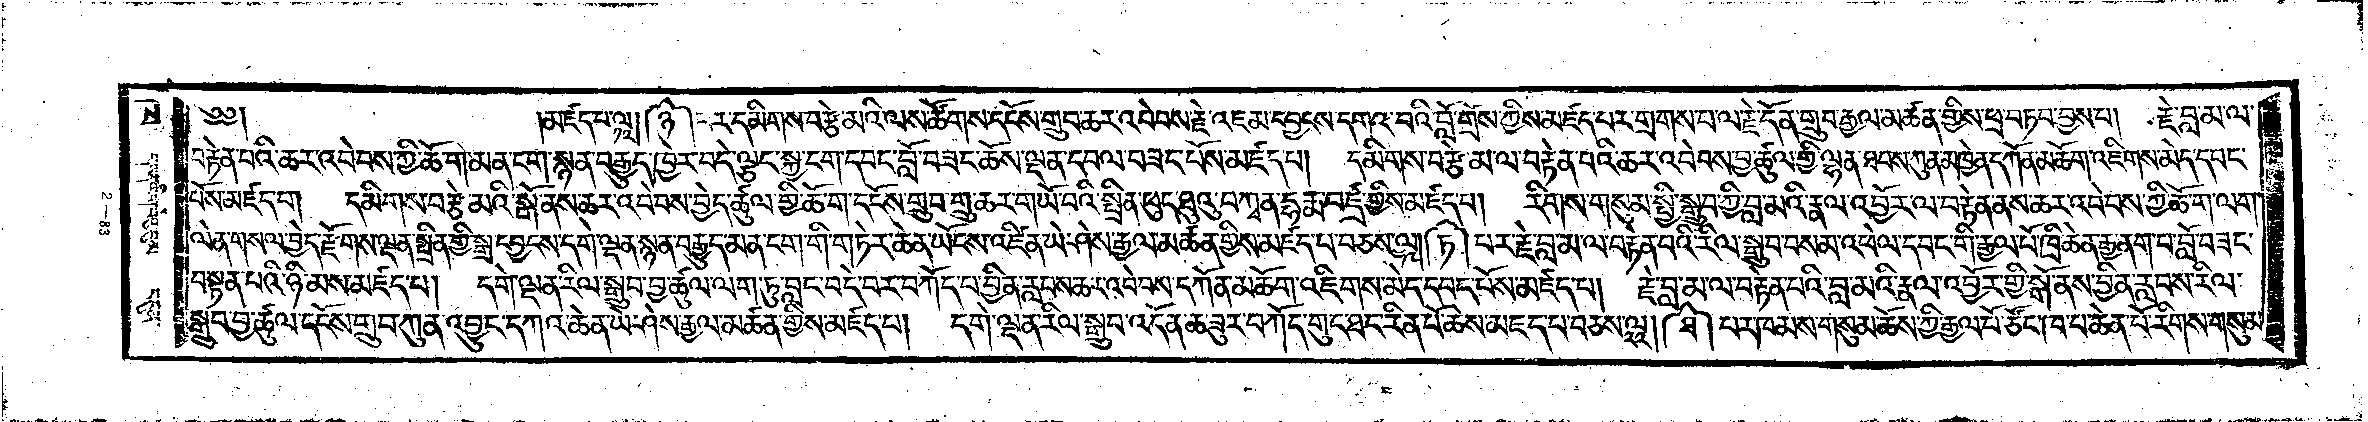༄༅། །མཛད་པ་ལ། ༼ཉ༽ པར་དམིགས་བརྩེ་མའི་ལས་ཚོགས་དངོས་གྲུབ་ཆར་འབེབས་རྗེ་འཇམ་དབྱངས་དགའ་བའི་བློ་གྲོས་ཀྱིས་མཛད་པར་གྲགས་བ་ལ་རྗེ་དོན་གྲུབ་རྒྱལ་མཚན་གྱིས་ཕྲ་བཏབ་བྱས་པ། རྗེ་བླ་མ་ལ་
བརྟེན་པའི་ཆར་འབེབས་ཀྱི་ཆོ་ག་མན་ངག་སྙན་བརྒྱུད་ཁྱེར་བདེ་ལྕང་སྐྱ་ངག་དབང་བློ་བཟང་ཆོས་ལྡན་དཔལ་བཟང་པོས་མཛད་པ། དམིགས་བརྩེ་མ་ལ་བརྟེན་པའི་ཆར་འབེབས་བྱ་ཚུལ་གྱི་ལྷན་ཐབས་ཀུན་མཁྱེན་དཀོན་མཆོག་འཇིགས་མེད་དབང་
པོས་མཛད་པ། དམིགས་བརྩེ་མའི་སྒོ་ནས་ཆར་འབེབས་བྱེད་ཚུལ་གྱི་ཆོ་ག་དངོས་གྲུབ་གྲུ་ཆར་གཡོ་བའི་སྤྲིན་ཕུད་ཐུའུ་བཀྭན་དྷརྨ་བཛྲ་གྱིས་མཛད་པ། རིགས་གསུམ་སྤྱི་སྒྲུབ་ཀྱི་བླ་མའི་རྣལ་འབྱོར་ལ་བརྟེན་ནས་ཆར་འབེབས་ཀྱི་ཆོ་ག་ལག་
ལེན་གསལ་བྱེད་རྫོགས་ལྡན་སྤྲིན་གྱི་སྒྲ་དབྱངས་དགེ་ལྡན་སྙན་བརྒྱུད་མན་ངག་གི་གཏེར་ཆེན་ཡོངས་འཛིན་ཡེ་ཤེས་རྒྱལ་མཚན་གྱིས་མཛད་པ་བཅས་ལ། ༼ཏ༽ པར་རྗེ་བླ་མ་ལ་བརྟེན་པའི་རིལ་སྒྲུབ་བསམ་འཕེལ་དབང་གི་རྒྱལ་པོ་ཁྲི་ཆེན་རྒྱ་ནག་པ་བློ་བཟང་
བསྟན་པའི་ཉི་མས་མཛད་པ། དགེ་ལྡན་རིལ་སྒྲུབ་བྱ་ཚུལ་ལག་ཏུ་བླང་བདེ་བར་བཀོད་པ་བྱིན་རླབས་ཆར་འབེབས་དཀོན་མཆོག་འཇིགས་མེད་དབང་པོས་མཛད་པ། རྗེ་བླ་མ་ལ་བརྟེན་པའི་བླ་མའི་རྣལ་འབྱོར་གྱི་སྒོ་ནས་བྱིན་རླབས་རིལ་
སྒྲུབ་བྱ་ཚུལ་དངོས་གྲུབ་ཀུན་འབྱུང་དཀའ་ཆེན་ཡེ་ཤེས་རྒྱལ་མཚན་གྱིས་མཛད་པ། དགེ་ལྡན་རིལ་སྒྲུབ་འདོན་ཆ་ཟུར་བཀོད་གུང་ཐང་རིན་པོ་ཆེས་མཛད་པ་བཅས་ལ། ༼ཐ༽ པར་ཁམས་གསུམ་ཆོས་ཀྱི་རྒྱལ་པོ་ཙོང་ཁ་པ་ཆེན་པོ་རིགས་གསུམ་